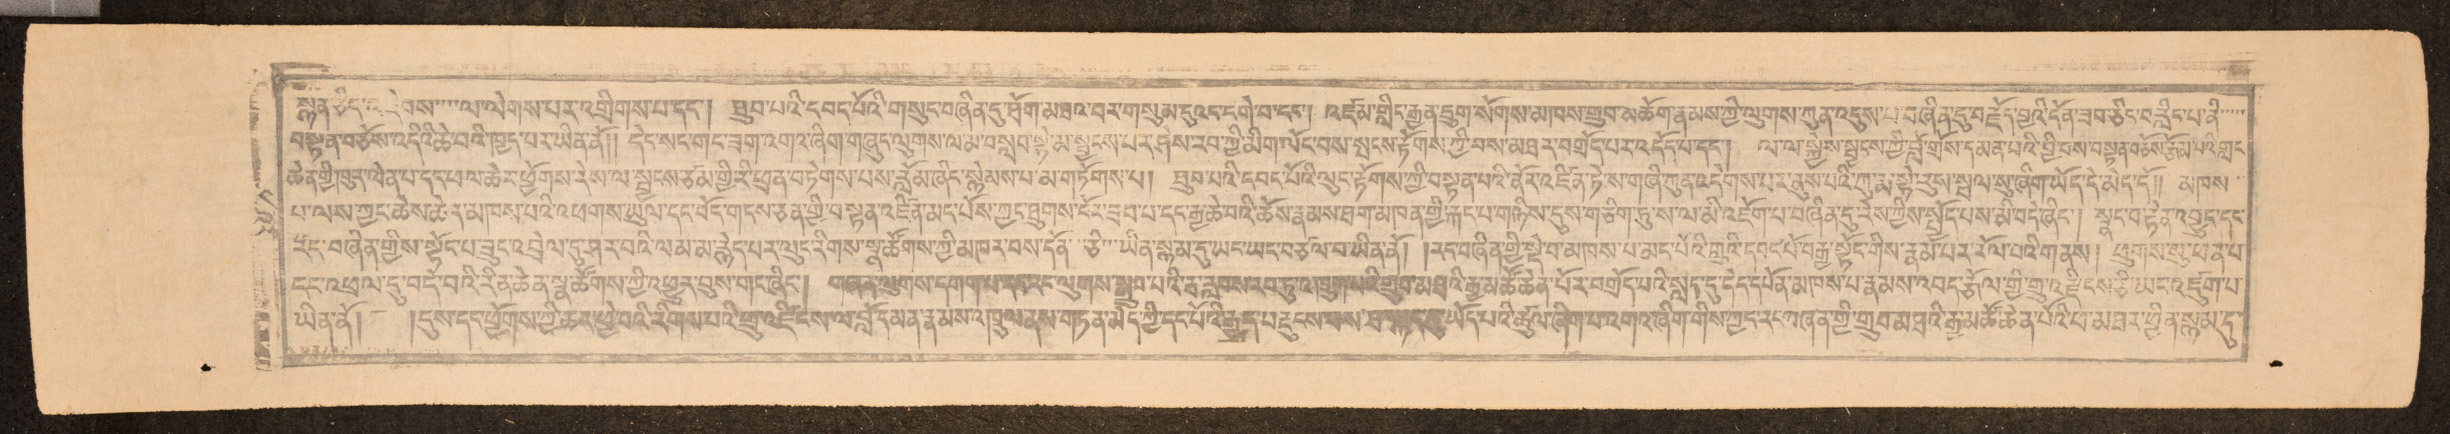སྙན་ཅིང་འཇེབས་ལ་ལེགས་པར་འགྲིགས་པ་དང་། ཐུབ་པའི་དབང་པོའི་གསུང་བཞིན་དུ་ཐོག་མཐའ་བར་གསུམ་དུའང་དགེ་བ་དང་། འཛམ་གླིང་རྒྱན་དྲུག་སོགས་མཁས་གྲུབ་མཆོག་རྣམས་ཀྱི་ལུགས་ཀུན་འདུས་པ་བཞིན་དུ་བརྗོད་བྱའི་དོན་ཟབ་ཅིང་བརླིང་པ་ནི་
བསྟན་བཅོས་འདིའི་ཆེ་བའི་ཁྱད་པར་ཡིན་ནོ།། དེང་སང་གང་ཟག་འགའ་ཞིག་གཞུང་ལུགས་ལ་མ་བསླབ་སྟེ་མ་སྦྱངས་པར་ཤེས་རབ་ཀྱི་མིག་ལོང་བས་སྤངས་རྟོགས་ཀྱི་བས་མཐར་བགྲོད་པར་འདོད་པ་དང་། ལ་ལ་སྐྱེས་སྦྱངས་ཀྱི་བློ་གྲོས་དམན་པའི་བྱི་བས་བསྟན་བཅོས་རྩོམ་པའི་གླང་
ཆེན་གྱི་ཁུར་ལེན་པ་དང་ཕལ་ཆེར་ཕྱོགས་རེས་ལ་སྦྱངས་ཙམ་གྱི་རི་ཕྲན་བཏེགས་པས་རློམ་ཞིང་སྙེམས་པ་མ་གཏོགས་པ། ཐུབ་པའི་དབང་པོའི་ལུང་རྟོགས་ཀྱི་བསྟན་པའི་ནོར་འཛིན་ཏེ་ས་གཞི་ཀུན་འདེགས་པར་ནུས་པའི་ཀུ་རྨ་སྟེ་རུས་སྤལ་སུ་ཞིག་ཡོད་དེ་མེད་དོ།། མཁས་
པ་ལས་ཀྱང་ཆེས་ཆེར་མཁས་པའི་འཕགས་ཡུལ་དང་བོང་གངས་ཅན་གྱི་བསྟན་འཛིན་མང་པོས་ཀྱང་ཐུགས་ངོར་ཟབ་པ་དང་རྒྱ་ཆེ་བའི་ཆོས་རྣམས་ཐག་མཁན་གྱི་རྐང་པ་གཉིས་དུས་གཅིག་ཏུ་ས་ལ་མི་འཇོག་པ་བཞིན་དུ་རེས་ཀྱིས་སྤྱོད་པས་མི་བདེ་ཞིང་། སྣང་བ་རྟེན་འབྱུང་དང་
རང་བཞིན་གྱིས་སྟོང་པ་ཟུང་འབྲེལ་དུ་ཤར་བའི་ལམ་མ་རྙེད་པར་ལུང་རིགས་སྣ་ཚོགས་ཀྱི་མཁར་བས་དོན་ཅི་ཡིན་སྙམ་དུ་ཡང་ཡང་བཙལ་བ་ཡིན་ནོ། །རང་བཞིན་གྱི་སྡེ་བ་མཁས་པ་མང་པོའི་གླུའི་དབང་པོ་བརྒྱ་སྟོང་གིས་རྣམ་པར་རོལ་བའི་གནས། ཕུགས་སུ་ཕན་པ་
དང་འཕྲལ་དུ་བདེ་བའི་རིན་ཆེན་སྣ་ཚོགས་ཀྱི་འཕྱུར་བུས་གང་ཞིང་། གཞན་ལུགས་དགག་པ་དང་རང་ལུགས་སྒྲུབ་པའི་རབ་རླབས་རབ་ཏུ་འཁྲུག་པའི་གྲུབ་མཐའི་རྒྱ་མཚོ་ཆེན་པོར་བགྲོད་པའི་སླད་དུ་དེད་དཔོན་མཁས་པ་རྣམས་འབའ་རྩོལ་གྱི་གྲུ་བརྫིངས་ཅི་ཡང་འཛུག་པ་
ཡིན་ནོ། །དུས་དང་ཕྱོགས་ཀྱི་ཆར་ཕྱེ་བའི་རིགས་པའི་གྲུ་འཛིངས་ལ་བློ་དམན་རྣམས་འཁྲུལ་ནས་གཏན་མེད་ཀྱི་དང་པོའི་རྒྱུད་བརྡུངས་པས་ཐ་སྙད་དུ་ཡོད་པའི་ཚུལ་ཞིག་པ་འགའ་ཞིག་གིས་ཀྱང་རང་གཞན་གྱི་གྲུབ་མཐའི་རྒྱ་མཚོ་ཆེན་པོའི་ཕ་མཐར་ཕྱིན་སྙམ་དུ་